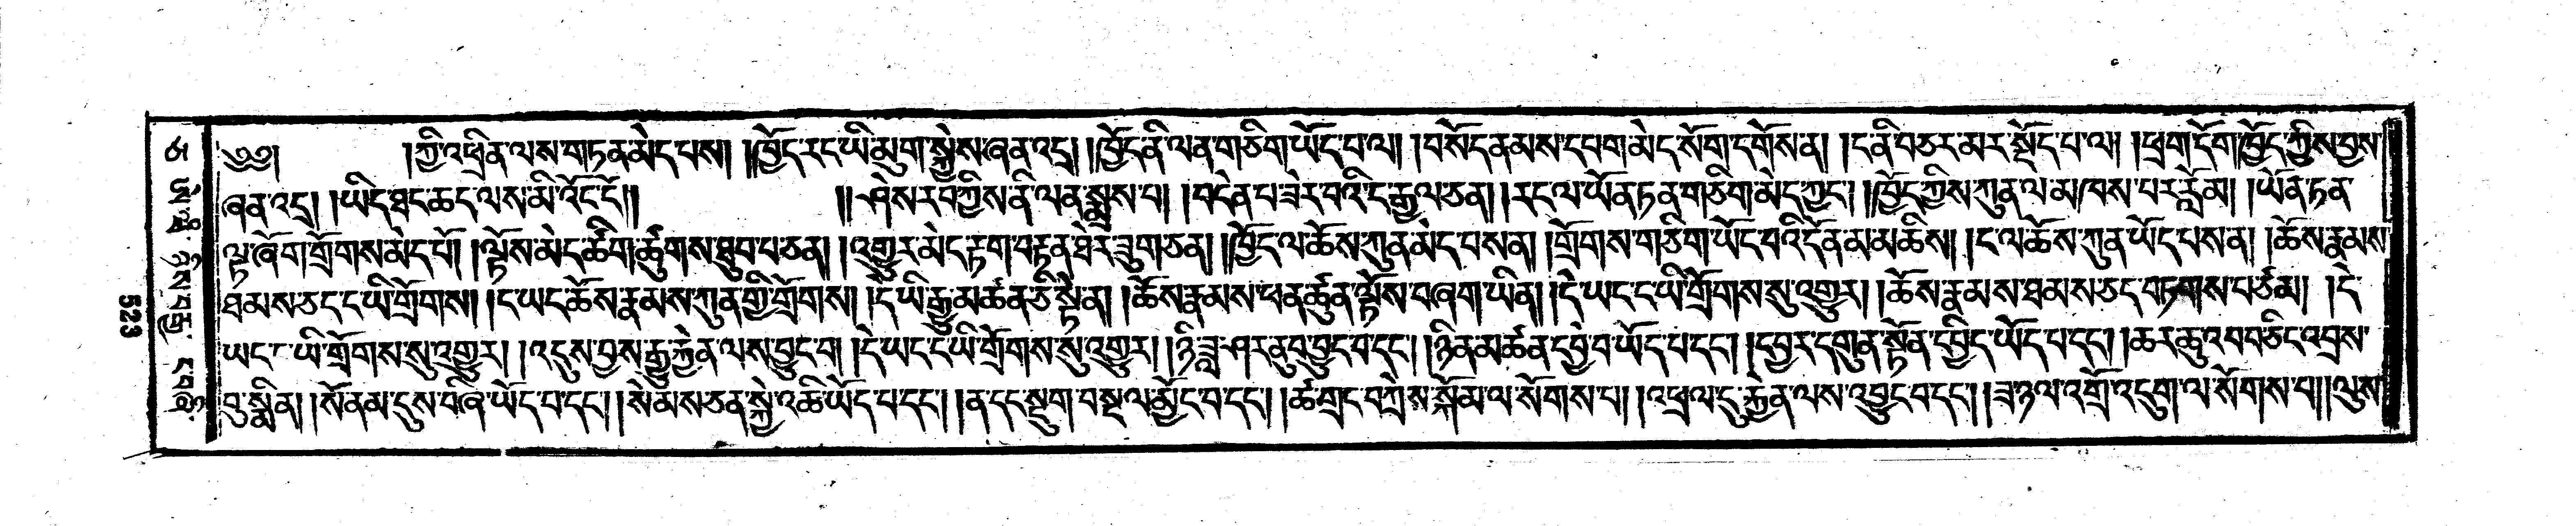༄༅། །ཀྱི་འཕྲིན་ལས་གཏན་མེད་པས། །ཁྱོད་རང་ཡི་མུག་སྐྱེས་ཞན་འདྲ། །ཁྱོད་ནི་ལན་གཅིག་ཡོད་པ་ལ། །བསོད་ནམས་དཔག་མེད་སོག་དགོས་ན། །ང་ནི་བཅར་མར་སྡོད་པ་ལ། །ཕྲག་དོག་ཁྱོད་ཀྱི་བྱས་
ཞན་འདྲ། །ཡོད་ཐང་ཆད་པས་མི་འོང་ངོ།། །།ཞེས་རབ་ཀྱིས་ནི་ལན་སྨྲས་པ། །བདེན་པ་ཟེར་བའི་ང་རྒྱལ་ཅན། །རང་ལ་ཡོན་ཏན་གཅིག་མེད་ཀྱང་། །ཁྱོད་ཀྱི་ཀུན་ལ་མཁན་པར་རློམ། །ཡོན་ཏན་
ལྟ་ཞོག་གྲོགས་མེད་པོ། །སྟོས་མེད་ཚིག་ཚུགས་ཐུབ་པ་ཅན། །འགྱུར་མེད་རྟག་བརྟན་ཐེར་ཟུག་ཅན། །ཁྱོད་ལ་ཆོས་ཀུན་མེད་པས་ན། །གྲོགས་གཅིག་ཡོང་བའི་དོན་མ་མཆིས། །ང་ལ་ཆོས་ཀུན་ཡོད་པས་ན། །ཆོས་རྣམས་
ཐམས་ཅད་ང་ཡི་གྲོགས། །ང་ཡང་ཆོས་རྣམས་ཀུན་གྱི་གྲོགས། །དེ་ཡི་རྒྱུ་མཚན་ཅི་སྟེ་ན། །ཆོས་རྣམས་ཕན་ཚུན་ལྟོས་བཞག་ཡིན། །དེ་ཡང་ང་ཡི་གྲོགས་སུ་འགྱུར། །ཆོས་རྣམས་ཐམས་ཅན་བཏགས་པ་ཙམ། །དེ་
ཡང་ང་ཡི་གྲོགས་སུ་འགྱུར། །འདུས་བྱས་རྒྱུ་རྐྱེན་པས་བྱུང་བ། །དེ་ཡང་ང་ཡི་གྲོགས་སུ་འགྱུར། །ཉི་ཟླ་ཤར་ནུབ་བྱུང་བ་དང་། །ཉིན་མཚན་དབྱེ་བ་ཡོད་པ་དང་། །དབྱར་དགུན་སྟོན་དཔྱིད་ཡོད་པ་དང་། །ཆར་ཆུ་འབབ་ཅིང་འབྲས་
བུ་སྨིན། །སོ་ནམ་དུས་བཞི་ཡོད་པ་དང་། །སེམས་ཅན་སྐྱེ་འཆི་ཡོད་པ་དང་། །ན་དང་སྡུག་བསྔལ་མྱོང་བ་དང་། །ཚ་བྲང་བཀྲེས་སྐོམ་ལ་སོགས་པ། །འཕྲལ་དུ་རྐྱེན་ལས་འབྱུང་བ་དང་། །ཟ་ཉལ་འགྲོ་འདུག་ལ་སོགས་པ། །ལུས་